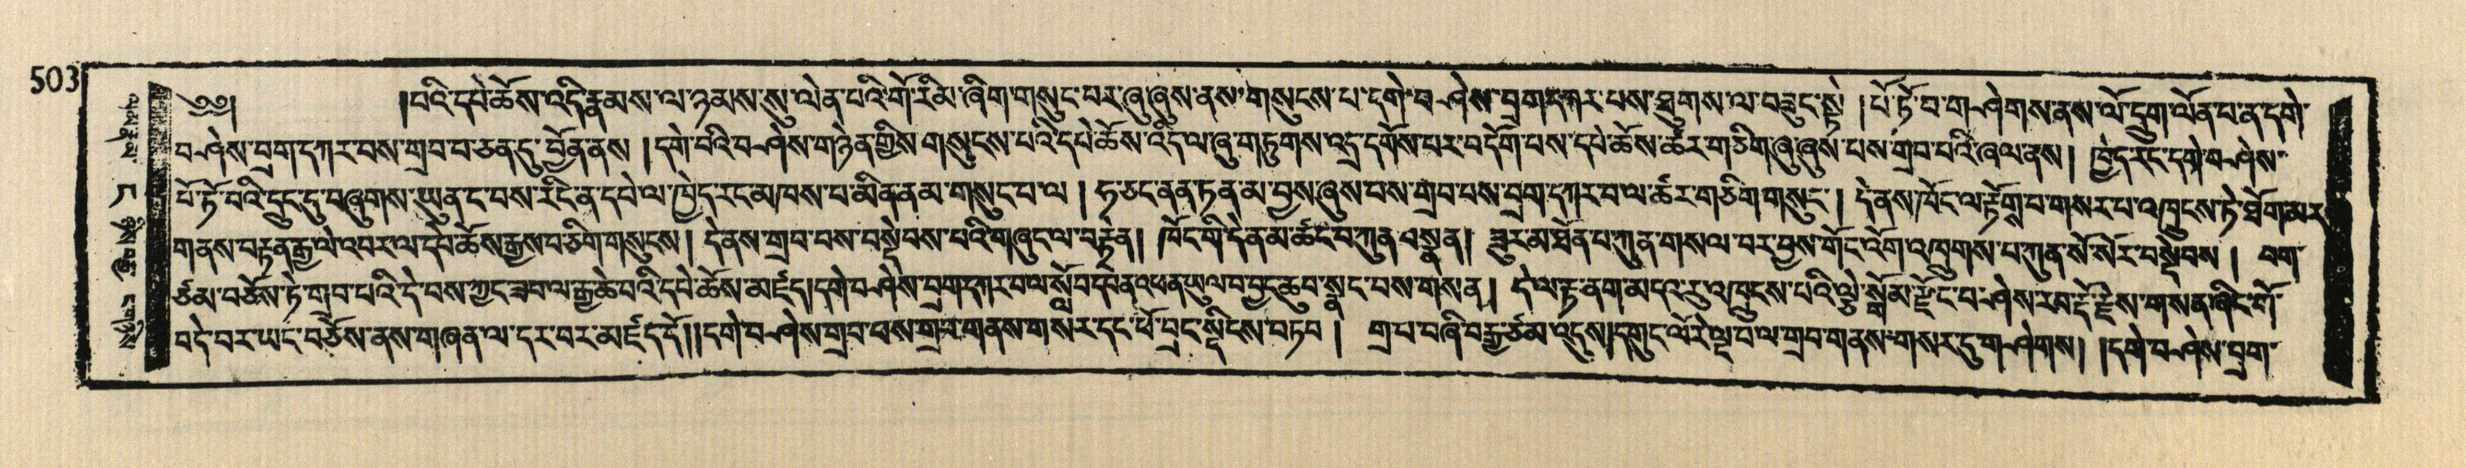༄༅། །པའི་དཔེ་ཆོས་འདི་རྣམས་ལ་ཉམས་སུ་ལེན་པའི་གོ་རིམ་ཞིག་གསུང་བར་ཞུ་ཞུས་ནས་གསུངས་པ་དགེ་བཤེས་བྲག་དཀར་པས་ཐུགས་ལ་བཟུང་སྟེ་།པོ་ཏོ་བ་གཤེགས་ནས་ལོ་དྲུག་ལོན་པ་ན་དགེ་
བཤེས་བྲག་དཀར་བས་གྲབ་བ་ཅན་དུ་བྱོན་ནས་།དགེ་བའི་བཤེས་གཉེན་གྱིས་གསུངས་པའི་དཔེ་ཆོས་འདི་ལ་ཞུ་གཏུགས་འདྲ་དགོས་པར་བདོག་པས་དཔེ་ཆོས་ཚར་གཅིག་ཞུ་ཞུས་པས་གྲབ་པའི་ཞལ་ནས། ཁྱེད་རང་དགེ་བཤེས་
པོ་ཏོ་བའི་དྲུང་དུ་བཞུགས་ཡུན་ང་བས་རིང་ན་དཔེ་ལ་ཁྱེད་རང་མཁས་པ་མིན་ནམ་གསུང་བ་ལ། ཧ་ཅང་ནན་ཏན་མ་བྱས་ཞུས་པས་གྲབ་པས་བྲག་དཀར་བ་ལ་ཚར་གཅིག་གསུང་། དེ་ནས་ཁོང་ལ་རྟོགས་པ་གསར་པ་འཁྲུངས་ཏེ་ཐོག་མར་
གནས་བརྟན་རྒྱ་ལེ་འབར་ལ་དཔེ་ཆོས་རྒྱས་བ་ཅིག་གསུངས། དེ་ནས་གྲབ་བས་བསྡེབས་པའི་གཞུང་ལ་བརྟེན། ཁོང་གི་དེ་ན་མ་ཚང་བ་ཀུན་བསྣན། ཟུར་མ་ཐོན་པ་ཀུན་གསལ་བར་བྱས་གོང་འོག་འཁྲུགས་པ་ཀུན་སོ་སོར་བསྡེབས། བག་
ཙམ་བཅོས་ཏེ་གྲབ་པའི་དེ་བས་ཀྱང་ཟབ་ལ་རྒྱ་ཆེ་བའི་དཔེ་ཆོས་མཛད། དགེ་བཤེས་བྲག་དཀར་བ་ལ་སློབ་དཔོན་འཕན་ཡུལ་བ་བྱང་ཆུབ་སྣང་བས་གསན། དེ་ལ་རྟ་ནག་མདའ་རུ་འཁྲུངས་པའི་ལྕེ་སྒོམ་རྫོང་བ་ཤེས་རབ་རྡོ་རྗེས་གསན་ཞིང་གོ་
བདེ་བར་ཡང་བཅོས་ནས་གཞན་ལ་དར་བར་མཛད་དོ། །དགེ་བཤེས་གྲབ་བས་གྲབ་གནས་གསར་དང་ཕོ་བྲང་སྡིངས་བཏབ། གྲབ་བཞི་བརྒྱ་ཙམ་འདུས། དགུང་ལོ་རེ་ལྔ་པ་ལ་གྲབ་གནས་གསར་དུ་གཤེགས། །དགེ་བཤེས་བྲག་